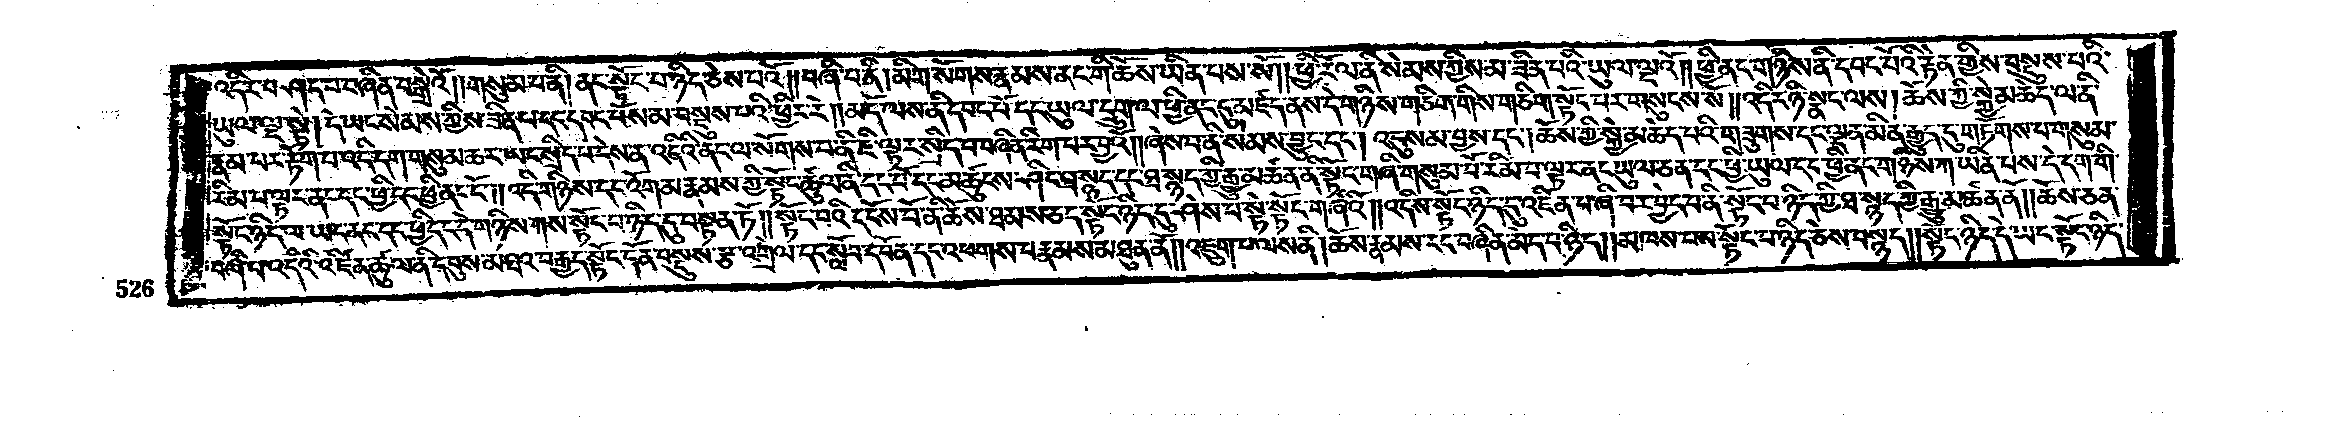འདིར་བཤད་པ་བཞིན་བསྒྲེའོ། །གསུམ་པ་ནི། ནང་སྟོང་པ་ཉིད་ཅེས་པའོ། །བཞི་པ་ནི། མིག་སོགས་རྣམས་ནང་གི་ཆོས་ཡིན་པས་སོ། །ཕྱི་རོལ་ནི་སེམས་ཀྱིས་མ་ཟིན་པའི་ཡུལ་ལྔའོ། །ཕྱི་ནང་གཉིས་ནི་དབང་པོའི་རྟེན་གྱིས་བསྡུས་པའི་
ཡུལ་ལྔ་སྟེ། དེ་ཡང་སེམས་ཀྱིས་ཟིན་པ་དང་དབང་པོས་མ་བསྡུས་པའི་ཕྱིར་རོ། །མདོ་ལས་ནི་དབང་པོ་དང་ཡུལ་དྲུག་ལ་ཕྱི་ནང་དུ་མཛད་ནས་དེ་གཉིས་གཅིག་གིས་གཅིག་སྟོང་པར་གསུངས་སོ། །འདིར་ཉི་སྣང་ལས། ཆོས་ཀྱི་སྐྱེ་མཆེད་ལ་ནི་
རྣམ་པར་རྟོག་པ་འདི་དག་གསུམ་ཆར་ཡང་སྲིད་པ་དེས་ན་འདིའི་ནང་ལ་སོགས་པ་ནི་ཇི་ལྟར་སྲིད་པ་བཞིན་རིག་པར་བྱའོ། །ཞེས་པ་ནི་སེམས་བྱུང་དང་། འདུས་མ་བྱས་དང་། ཆོས་ཀྱི་སྐྱེ་མཆེད་པའི་གཟུགས་དང་ལྡན་མིན་རྒྱུད་དུ་གཏོགས་པ་གསུམ་
རིམ་པ་ལྟར་ནང་དང་ཕྱི་དང་ཕྱི་ནང་ངོ། །འདི་གཉིས་དང་འོག་མ་རྣམས་ཀྱི་སྟོང་ཚུལ་ནི་དང་པོ་དང་མཚུངས་ཤིང་ཐ་སྙད་དང་ཐ་སྙད་ཀྱི་རྒྱུ་མཚན་ནི་སྟོང་གཞི་གསུམ་པོ་རིམ་པ་ལྟར་ནང་ཡུལ་ཅན་དང་ཕྱི་ཡུལ་དང་ཕྱི་ནང་གཉིས་ཀ་ཡིན་པས་དེ་དག་གི་
སྟོང་ཉིད་ལ་ཡང་ནང་དང་ཕྱི་དང་དེ་གཉིས་ཀས་སྟོང་པ་ཉིད་དུ་བསྟན་ཏོ། །སྟོང་པའི་དངོས་པོ་ནི་ཆོས་ཐམས་ཅད་སྟོང་ཉིད་དུ་ཤེས་པ་སྟེ་སྟོང་གཞིའོ། །འདིས་སྟོང་ཉིད་དུ་འཛིན་པ་ཞི་བར་བྱེད་པ་ནི་སྟོང་པ་ཉིད་ཀྱི་ཐ་སྙད་ཀྱི་རྒྱུ་མཚན་ནོ། །ཆོས་ཅན་
བཞི་པ་འདིའི་འཛིན་ཚུལ་ནི་དབུས་མཐའ་བརྒྱད་སྟོང་དོན་བསྡུས་རྩ་འགྲེལ་དང་སློབ་དཔོན་དང་འཕགས་པ་རྣམས་མཐུན་ནོ། །འཇུག་པ་ལས་ནི། ཆོས་རྣམས་རང་བཞིན་མེད་པ་ཉིད། །མཁས་པས་སྟོང་པ་ཉིད་ཅེས་བསྙད། །སྟོང་ཉིད་དེ་ཡང་སྟོང་ཉིད་